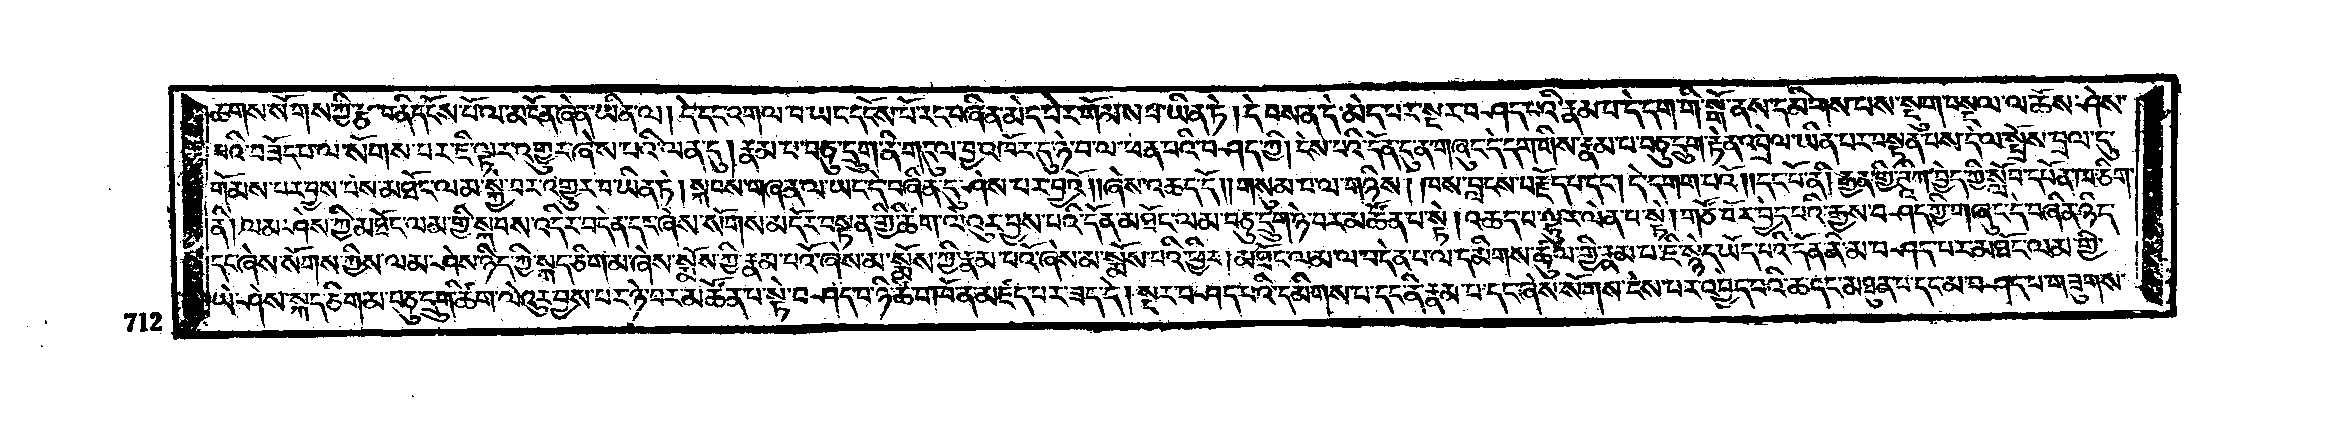ཆགས་སོགས་ཀྱི་རྩ་བ་ནི་དངོས་པོ་ལ་མངོན་ཞེན་ཡིན་ལ། དེ་དང་འགལ་བ་ཡང་དངོས་པོ་རང་བཞིན་མེད་པར་གོམས་པ་ཡིན་ཏེ། དེ་བས་ན་དེ་མེད་པར་སྔར་བཤད་པའི་རྣམ་པ་དེ་དག་གི་སྒོ་ནས་དམིགས་པས་སྡུག་བསྔལ་ལ་ཆོས་ཤེས་
པའི་བཟོད་པ་ལ་སོགས་པར་ཇི་ལྟར་འགྱུར་ཞེས་པའི་ལན་དུ། རྣམ་པ་བཅུ་དྲུག་ནི་གདུལ་བྱ་འཁོར་དུ་ཉེ་བ་ལ་ཕན་པའི་བཤད་ཀྱི། ངེས་པའི་དོན་དུ་ན་གཞུང་དེ་དག་གིས་རྣམ་པ་བཅུ་དྲུག་རྟེན་འབྲེལ་ཡིན་པར་བསྟན་པས་དེ་ལ་སྤྲོས་བྲལ་དུ་
གོམས་པར་བྱས་པས་མཐོང་ལམ་སྐྱེ་བར་འགྱུར་བ་ཡིན་ཏེ། སྐབས་གཞན་ལ་ཡང་དེ་བཞིན་དུ་ཤེས་པར་བྱའོ། །ཞེས་འཆད་དོ། །གསུམ་པ་ལ་གཉིས། ཁས་བླངས་བརྗོད་པ་དང་། དེ་དགག་པའོ། །དང་པོ་ནི། རྒྱན་གྱི་ཊཱིཀ་བྱེད་ཀྱི་སློབ་དཔོན་ཁ་ཅིག་
ནི། ལམ་ཤེས་ཀྱི་མཐོང་ལམ་གྱི་སྐབས་འདིར་བདེན་དང་ཞེས་སོགས་མདོར་བསྟན་གྱི་ཚིག་ལེའུར་བྱས་པའི་དོན་མཐོང་ལམ་བཅུ་དྲུག་ཉེ་བར་མཚོན་པ་སྟེ། འཆད་པ་ལྷུར་ལེན་པ་སྟེ། གཙོ་བོར་བྱེད་པའི་རྒྱས་བཤད་ཀྱི་གཞུང་དེ་བཞིན་ཉིད་
དང་ཞེས་སོགས་ཀྱིས་ལམ་ཤེས་ཉིད་ཀྱི་སྐད་ཅིག་མ་ཞེས་སྨོས་ཀྱི་རྣམ་པའོ་ཞེས་མ་སྨོས་ཀྱི་རྣམ་པའོ་ཞེས་མ་སྨོས་པའི་ཕྱིར། མཐོང་ལམ་ལ་བདེན་པ་ལ་དམིགས་ཚུལ་གྱི་རྣམ་པ་ཇི་སྙེད་ཡོད་པའི་དོན་ནི་མ་བཤད་པར་མཐོང་ལམ་གྱི་
ཡེ་ཤེས་སྐད་ཅིག་མ་བཅུ་དྲུག་ཚིག་ལེའུར་བྱས་པར་ཉེ་བར་མཚོན་པ་སྟེ་བཤད་པ་ཉི་ཚེ་བ་ཁོ་ན་མཛད་པར་ཟད་དེ། སྔར་བཤད་པའི་དམིགས་པ་དང་ནི་རྣམ་པ་དང་ཞེས་སོགས་ངེས་པར་འབྱེད་པའི་ཆ་དང་མཐུན་པ་དང་མ་བཤད་པ་གཟུགས་